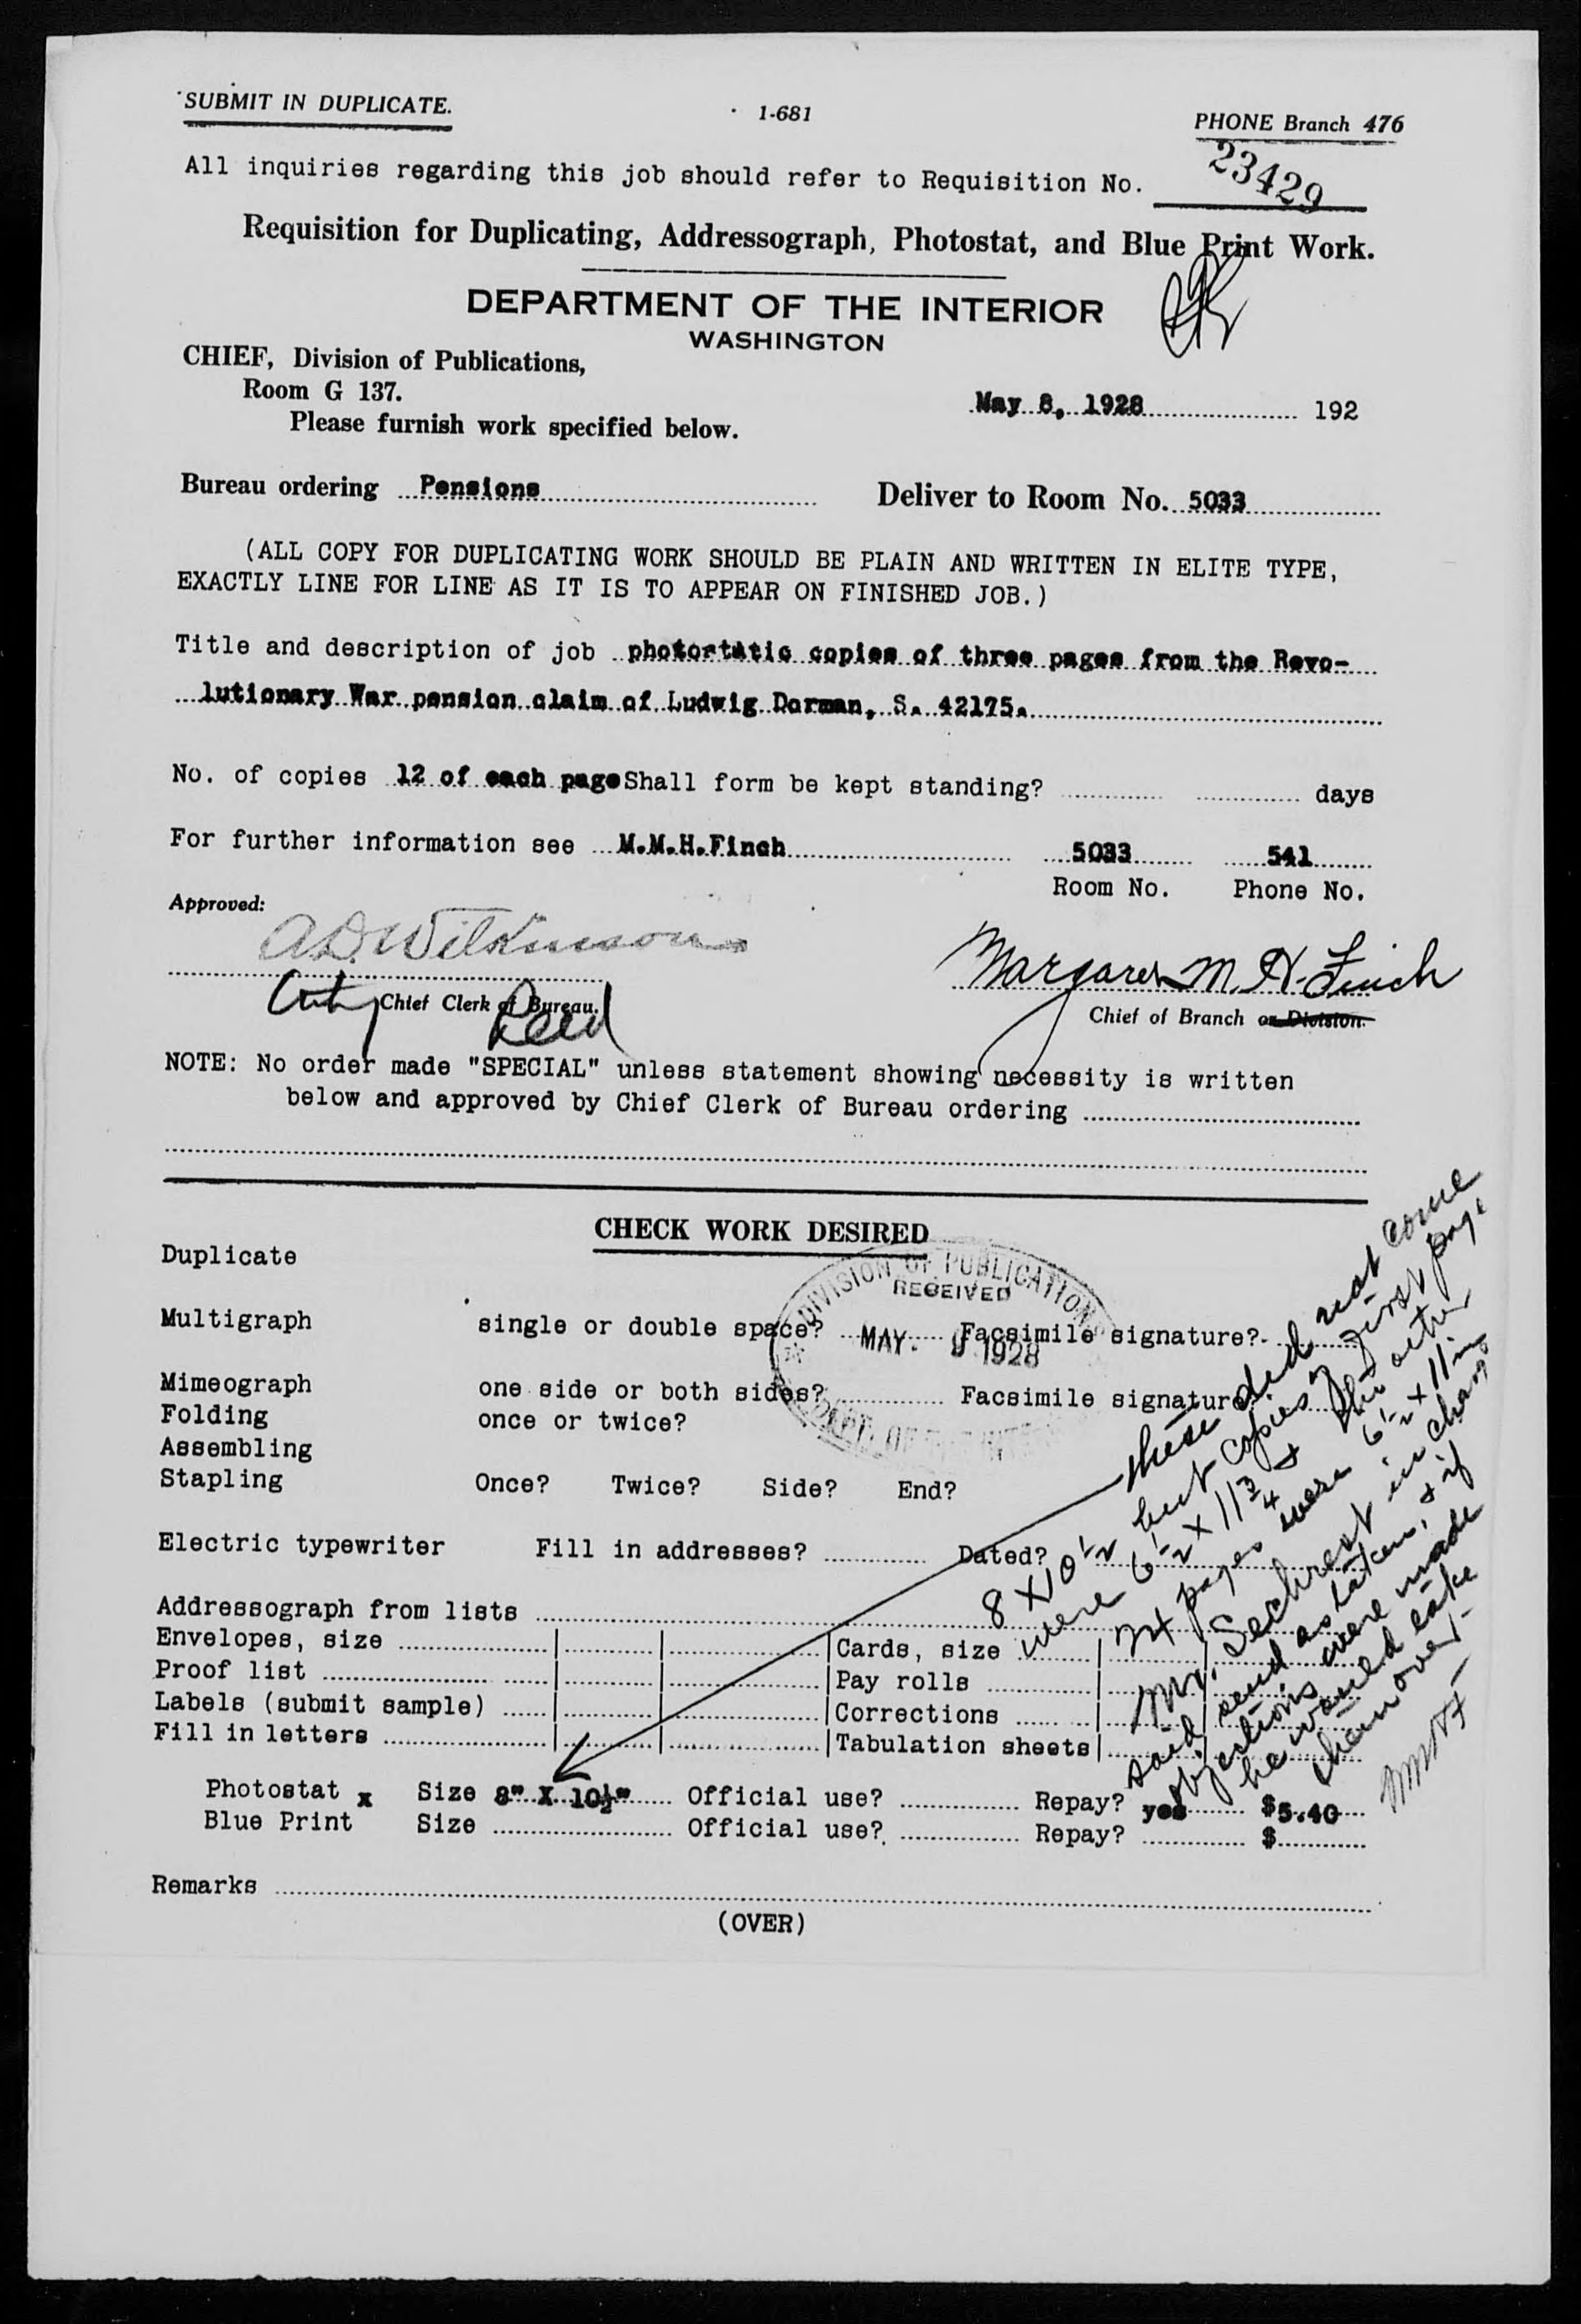Submit in Duplicate
1-681
Phone Branch 476
All inquiries regarding this job should refer to Requisition No. 23429
Requisition for Duplication, Addressograpph, Photostat, and Blue Print Work.
Department of the Interior CR
Washington
Chief, Division of Publications, Room G 137.
May 8, 1928....192
Please furnish work specified below.
Bureau ordering..Pensions
Deliver to Room No. 5033
(ALL COPY FOR DUPLICATION WORK SHOULD BE PLAIN AND WRITTEN IN ELITE TYPE, EXACTLY LINE FOR LINE AS IT IS TO APPEAR ON FINISHED JOB.)
Title and description of job..photostatic copes of three pages from the Revolutionary War pension claim of Ludwig Dorman, S. 42175
No. of copies..12 of each page Shall form be kept standing?.....days
For further information see M.M. Finch Room No. 5033 Phone No. 541
Approved:
A.D. Wilkinson
[illegible] Chief Clerk Bureau [illegible]
Margaret M. H. Finch
Chief of Branch [strike through "or Division]
NOTE: No order made "SPECIAL" unless statement showing necessity is written below and approved by Chief Clerk of Bureau ordering...
CHECK WORK DESIRED
Duplicate
Multigraph single or double space?...Facsimile signature?...
Mimeograph one side or both sides?...Facsimile signature?...
Folder once or twice?
Assembling
Stapling Once? Twice? Side? End?
Electric Typewriter  Fill in addresses?..Dated?...
Addressograph from lists..
Envelope, size
Cards, size
Proof list
Pay rolls
Labels (submit sample) 
Corrections
Fill in letters
Tabulation sheets
Photostat x Size 8"x 10 1/2" Official use? Repay? yes $5.40
Blue Print Size..Official use?...Repay?...$....
Remarks...
(OVER)
[Seal] DIVISION OF PUBLICATION RECEIVED MAY 9, 1928 DEPT. OF [Illegible]
These did not come 8x10 1/2 but copies of the first page were 6 1/2 x 11 3/4 and the other 24 pages were 6 1/2 by 11 inches. Mr. Sechrest in charge said send as [illegible] and if objections were made he would take them over  - MMHF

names: Margaret M H Finch, A D Wilkinson, Sechrest, M M H Finch, Ludwig Dorman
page: 6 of 16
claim: survivor's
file: S. 42,175, Ludwig Dorman, Penn.